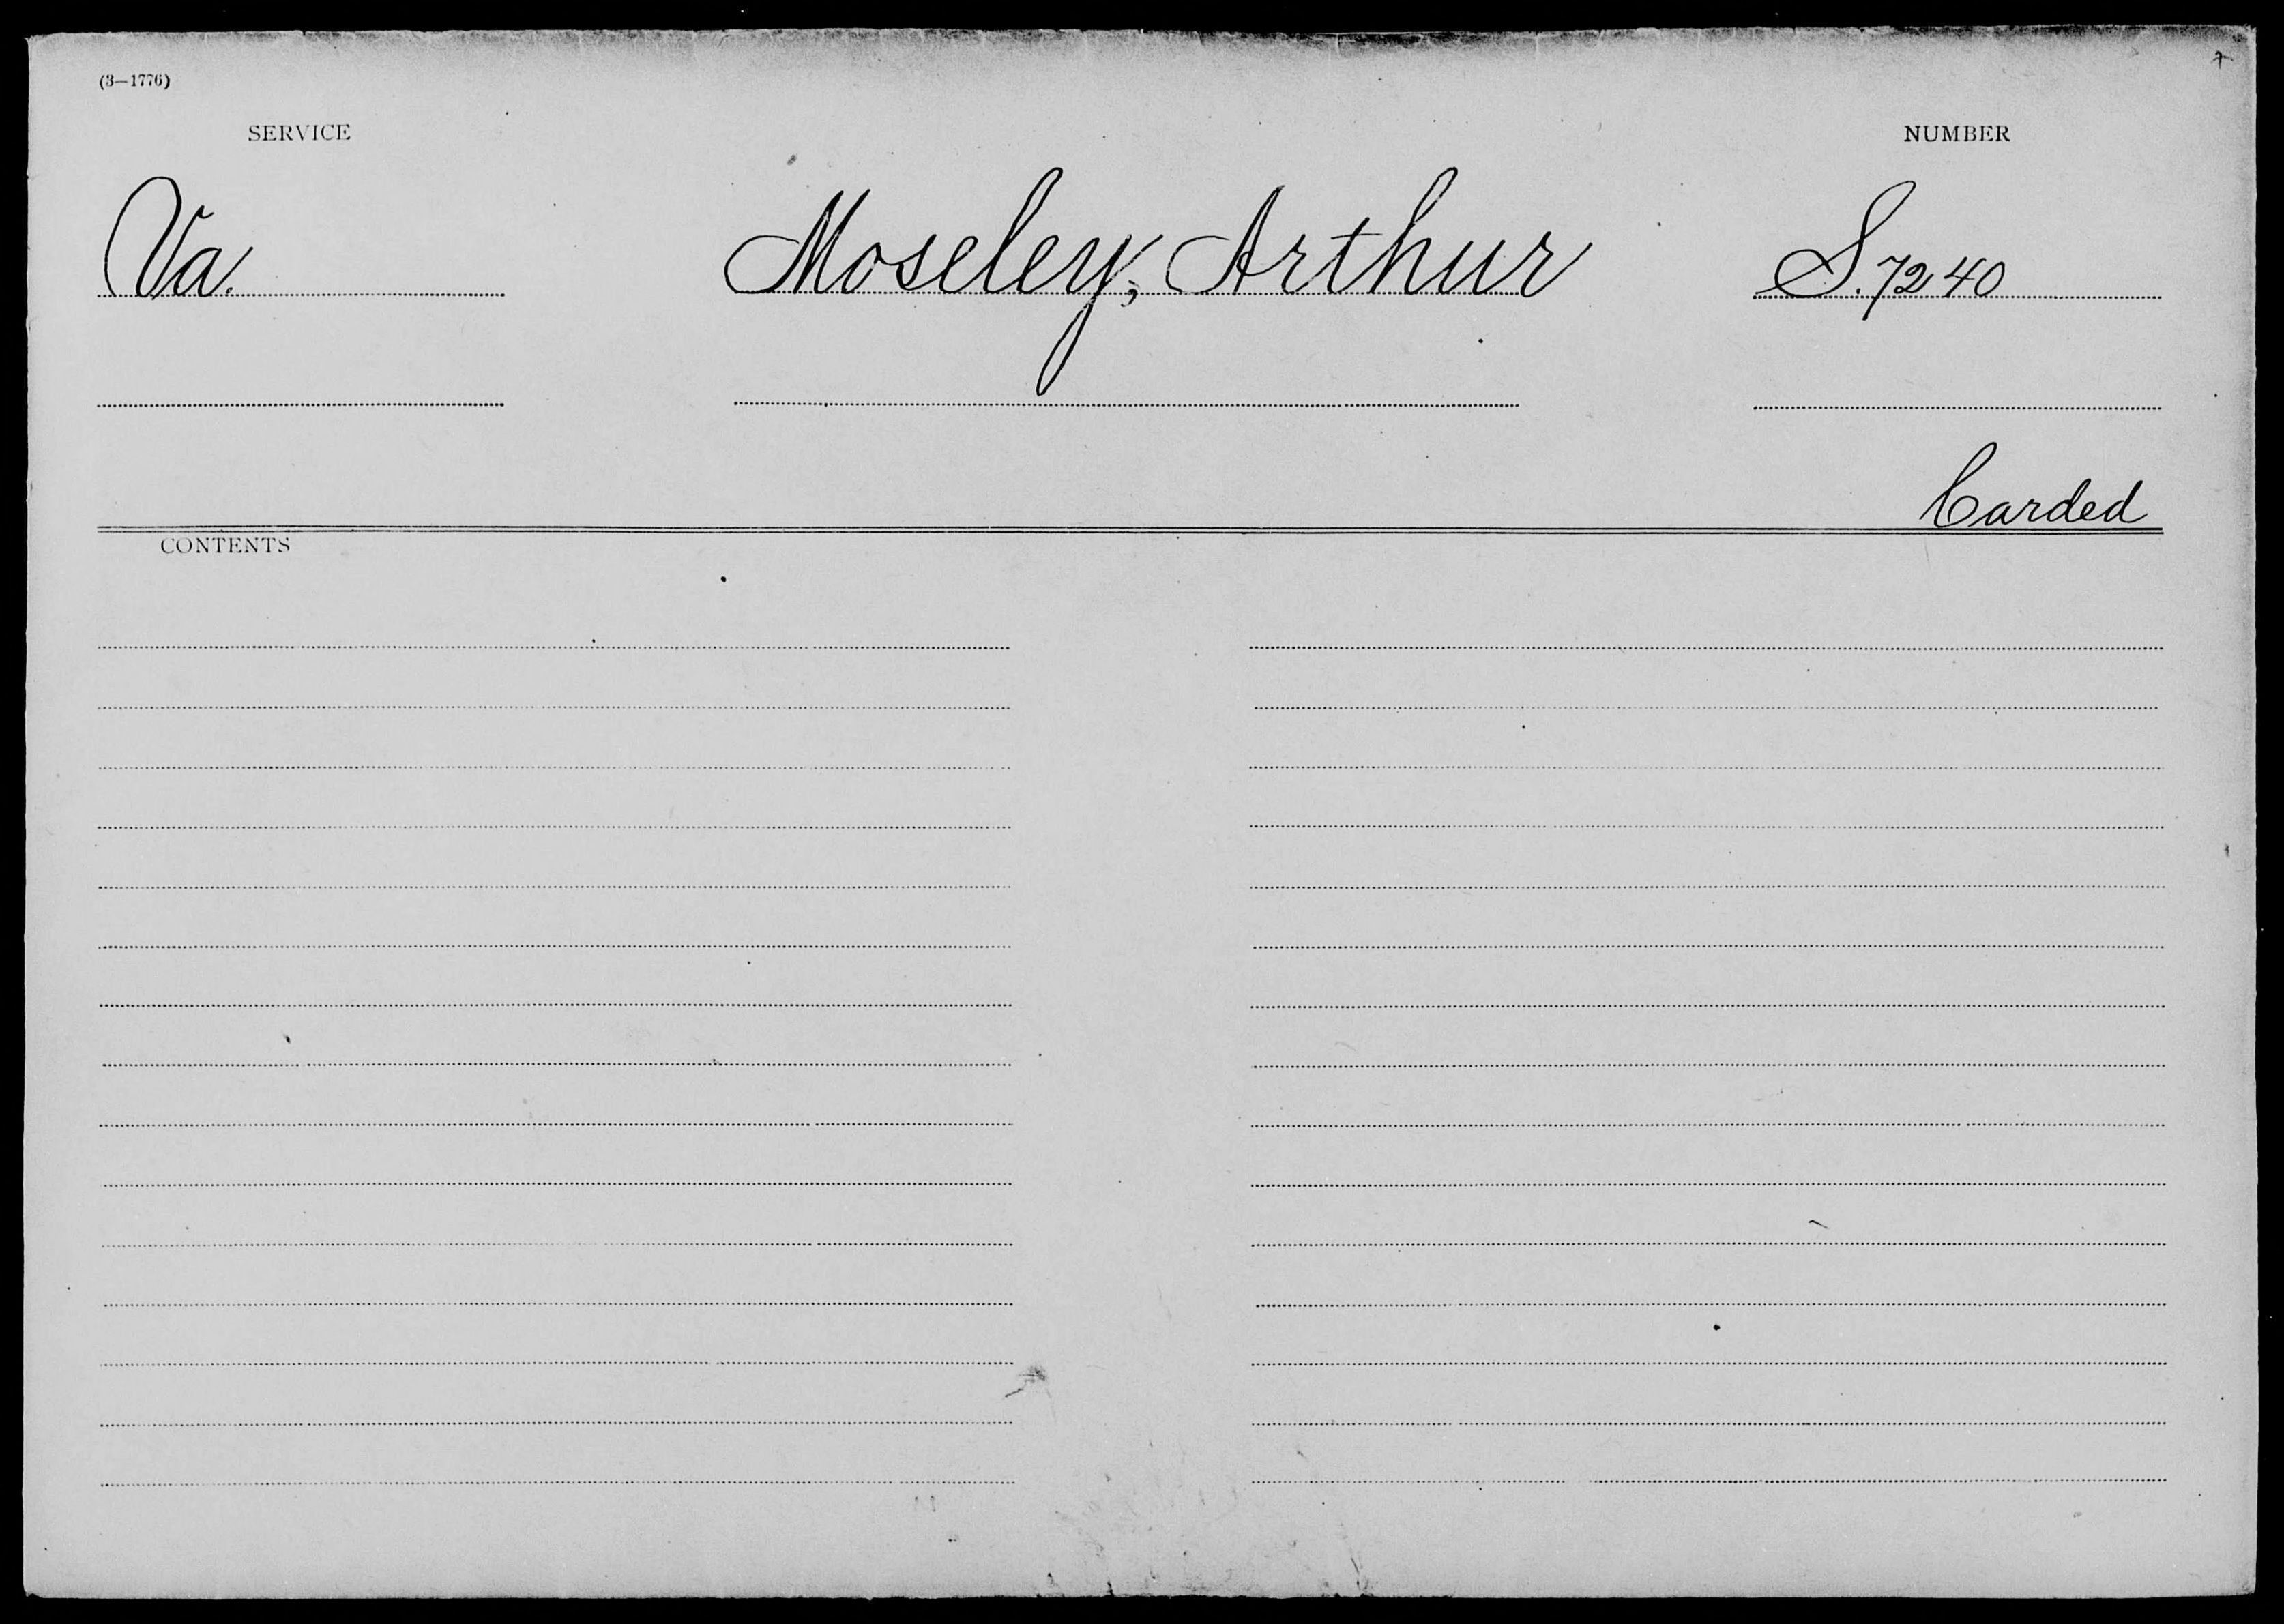Page 1
Service Va. Moseley, Arthur Number S. 7240
Carded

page: 1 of 21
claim: survivor's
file: S. 7240, for Arthur Moseley, Virginia